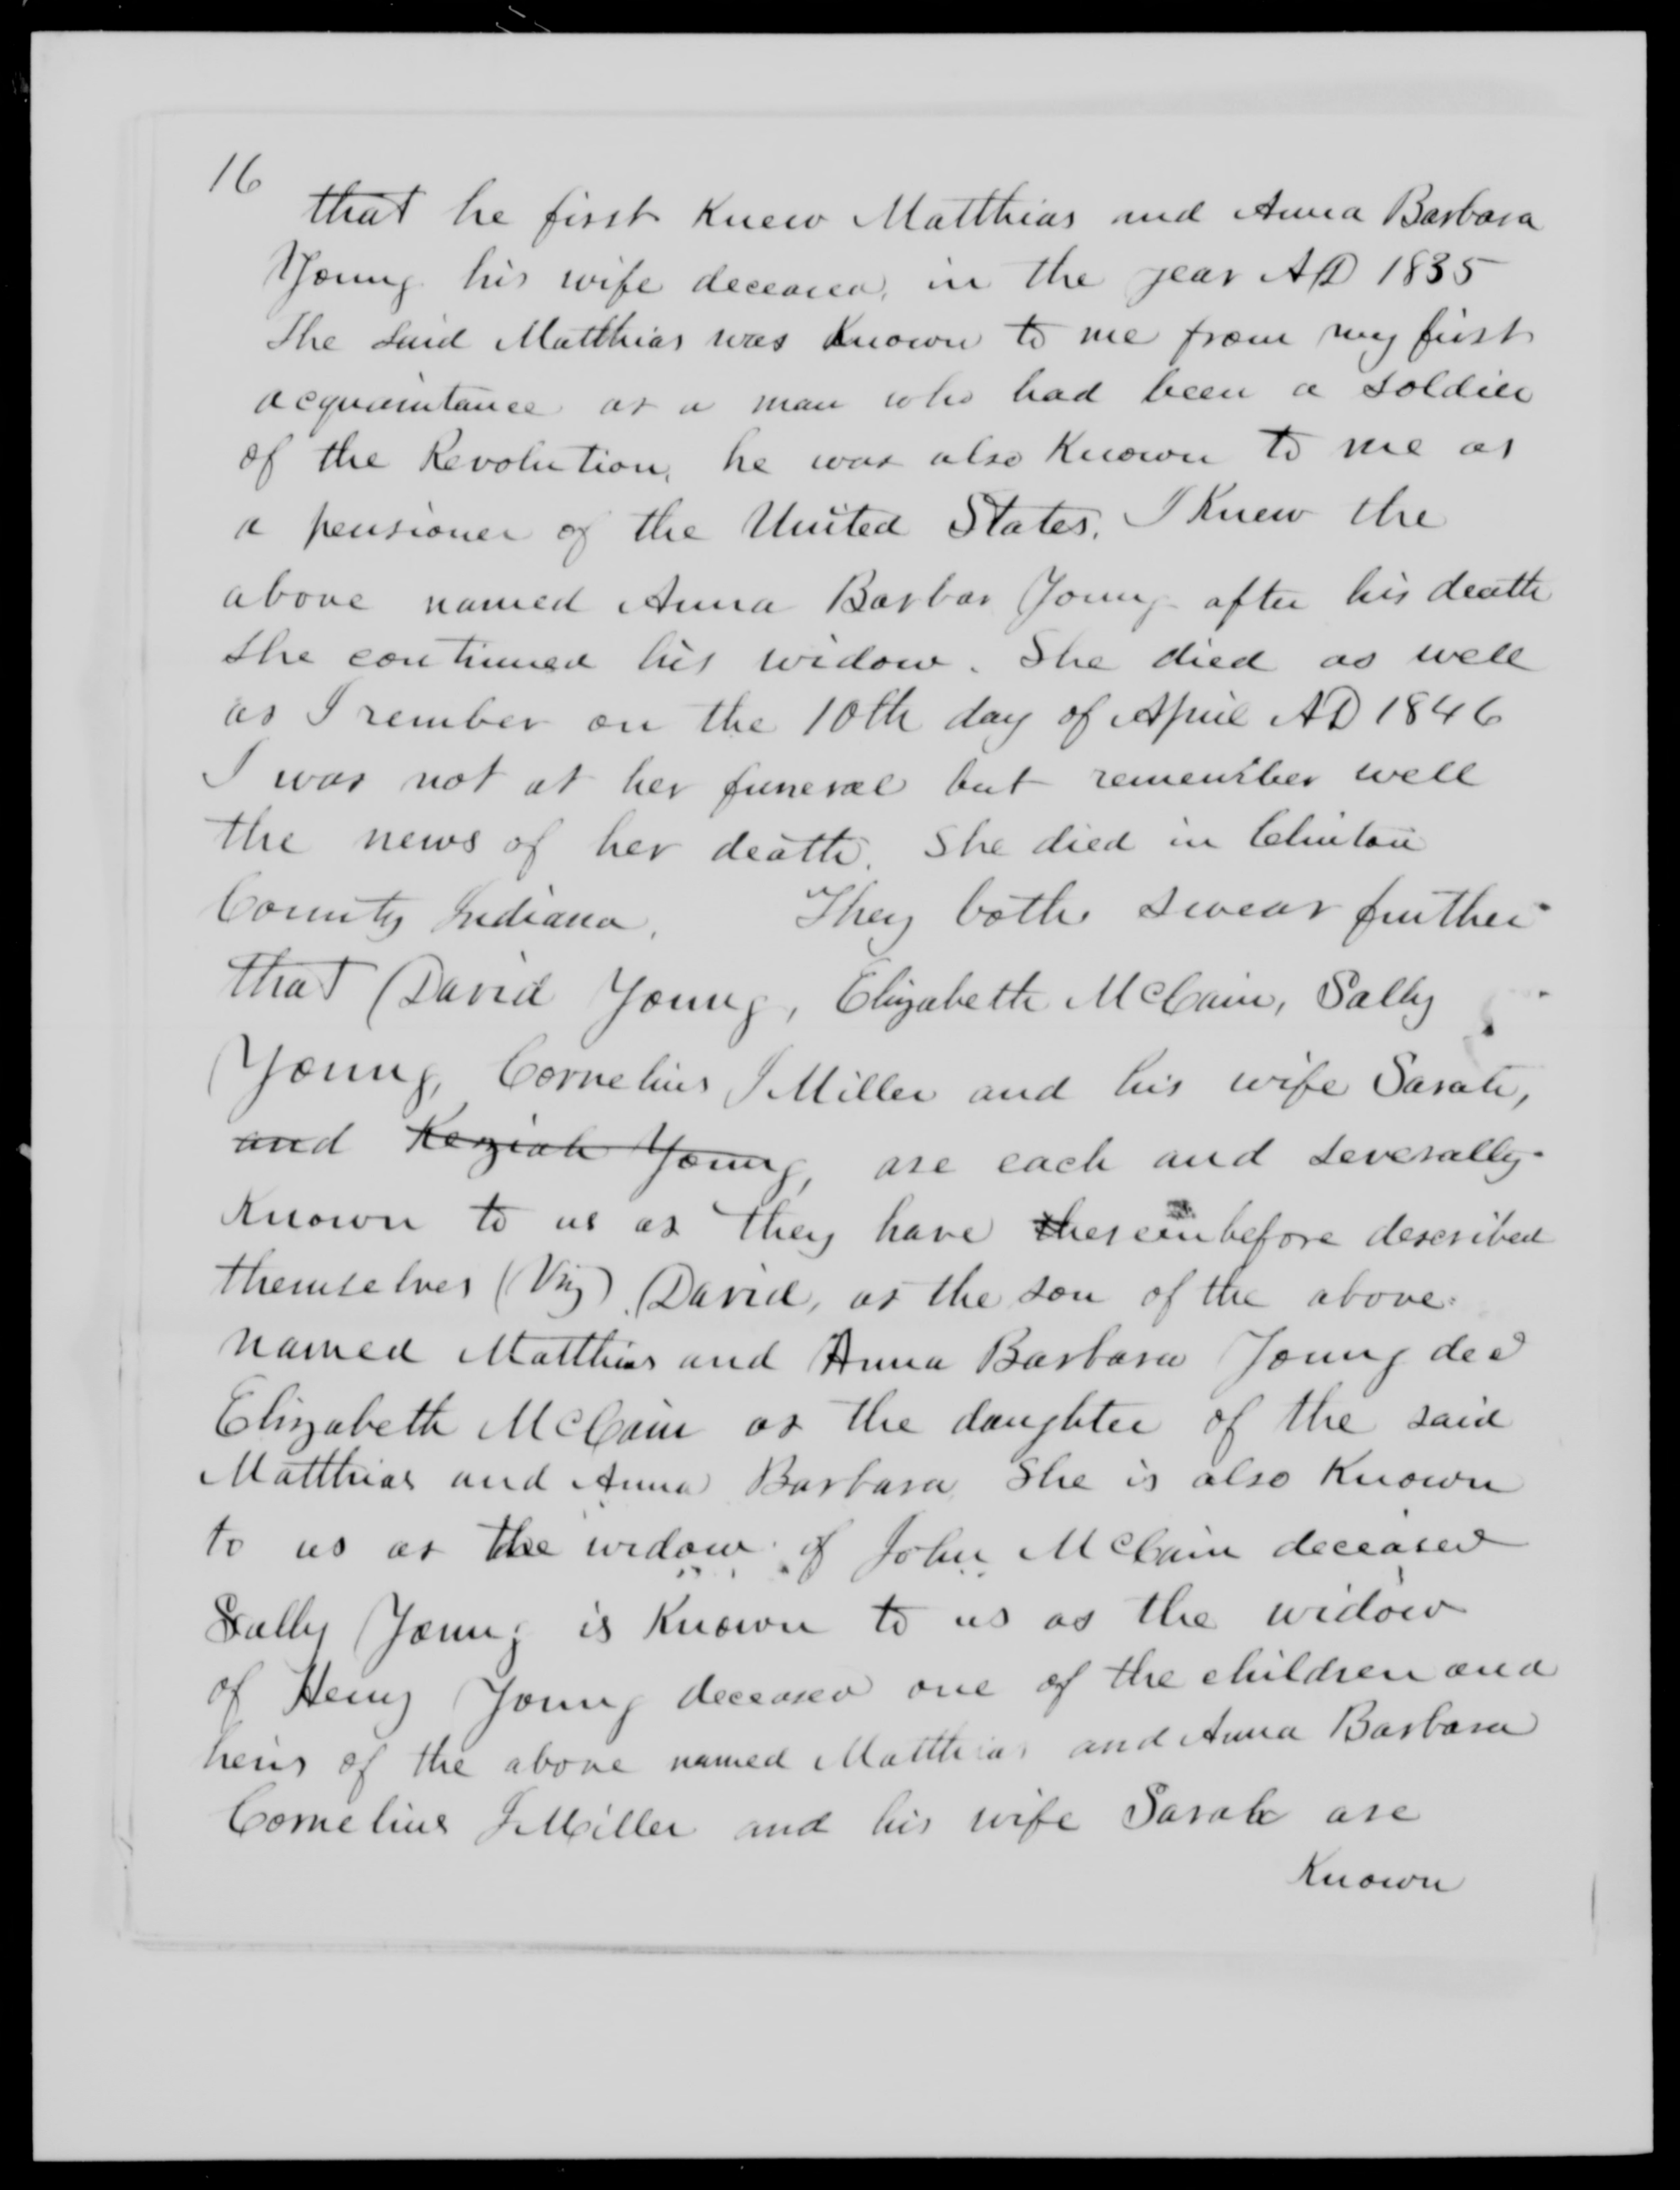16
that he first Knew Matthias and Anna Barbara
Young his wife deceased, in the year AD 1835.
The said Matthias was known to me from my first
acquaintance as a man who had been a soldier
of the Revolution, he was also known to me as a
pensioner of the United States. I knew the
above named Anna Barbar Young,  after his death
she continued his widow. She died as well as
I rember on the 10th day of April AD 1846.
I was not at her funeral but remember well
the news of her death. She died in Clinton
County Indiana
They both swear further that David Young, Elizabeth McCain, Sally Young, Cornelius J Miller and his wife Sarah, [crossed out ‘and Keziah Young’] are each and severally known to us as they have therein before described themselves (Viz) David, or the son of the above named Matthias and Anna Barbara Young dec’d, Elizabeth McCain or the daughter of the said Matthias and Anna Barbara. She is also known to us as the widow of John McCain deceased.  Sally Young is known to us as the widow
of Henry Young deceased one of the children and
heirs of the above named Matthias and Anna Barbara. Cornelius Miller and his wife Sarah are
Known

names: Elizabeth Mc Cain, Cornelius J Miller, Keziah Young, Matthias Young, Sarah, David Young, Anna Barbara Young, Heny Young, Sally Young, John Mc Cain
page: 35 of 123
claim: rejected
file: R. 11,949, Matthias Young, Md.